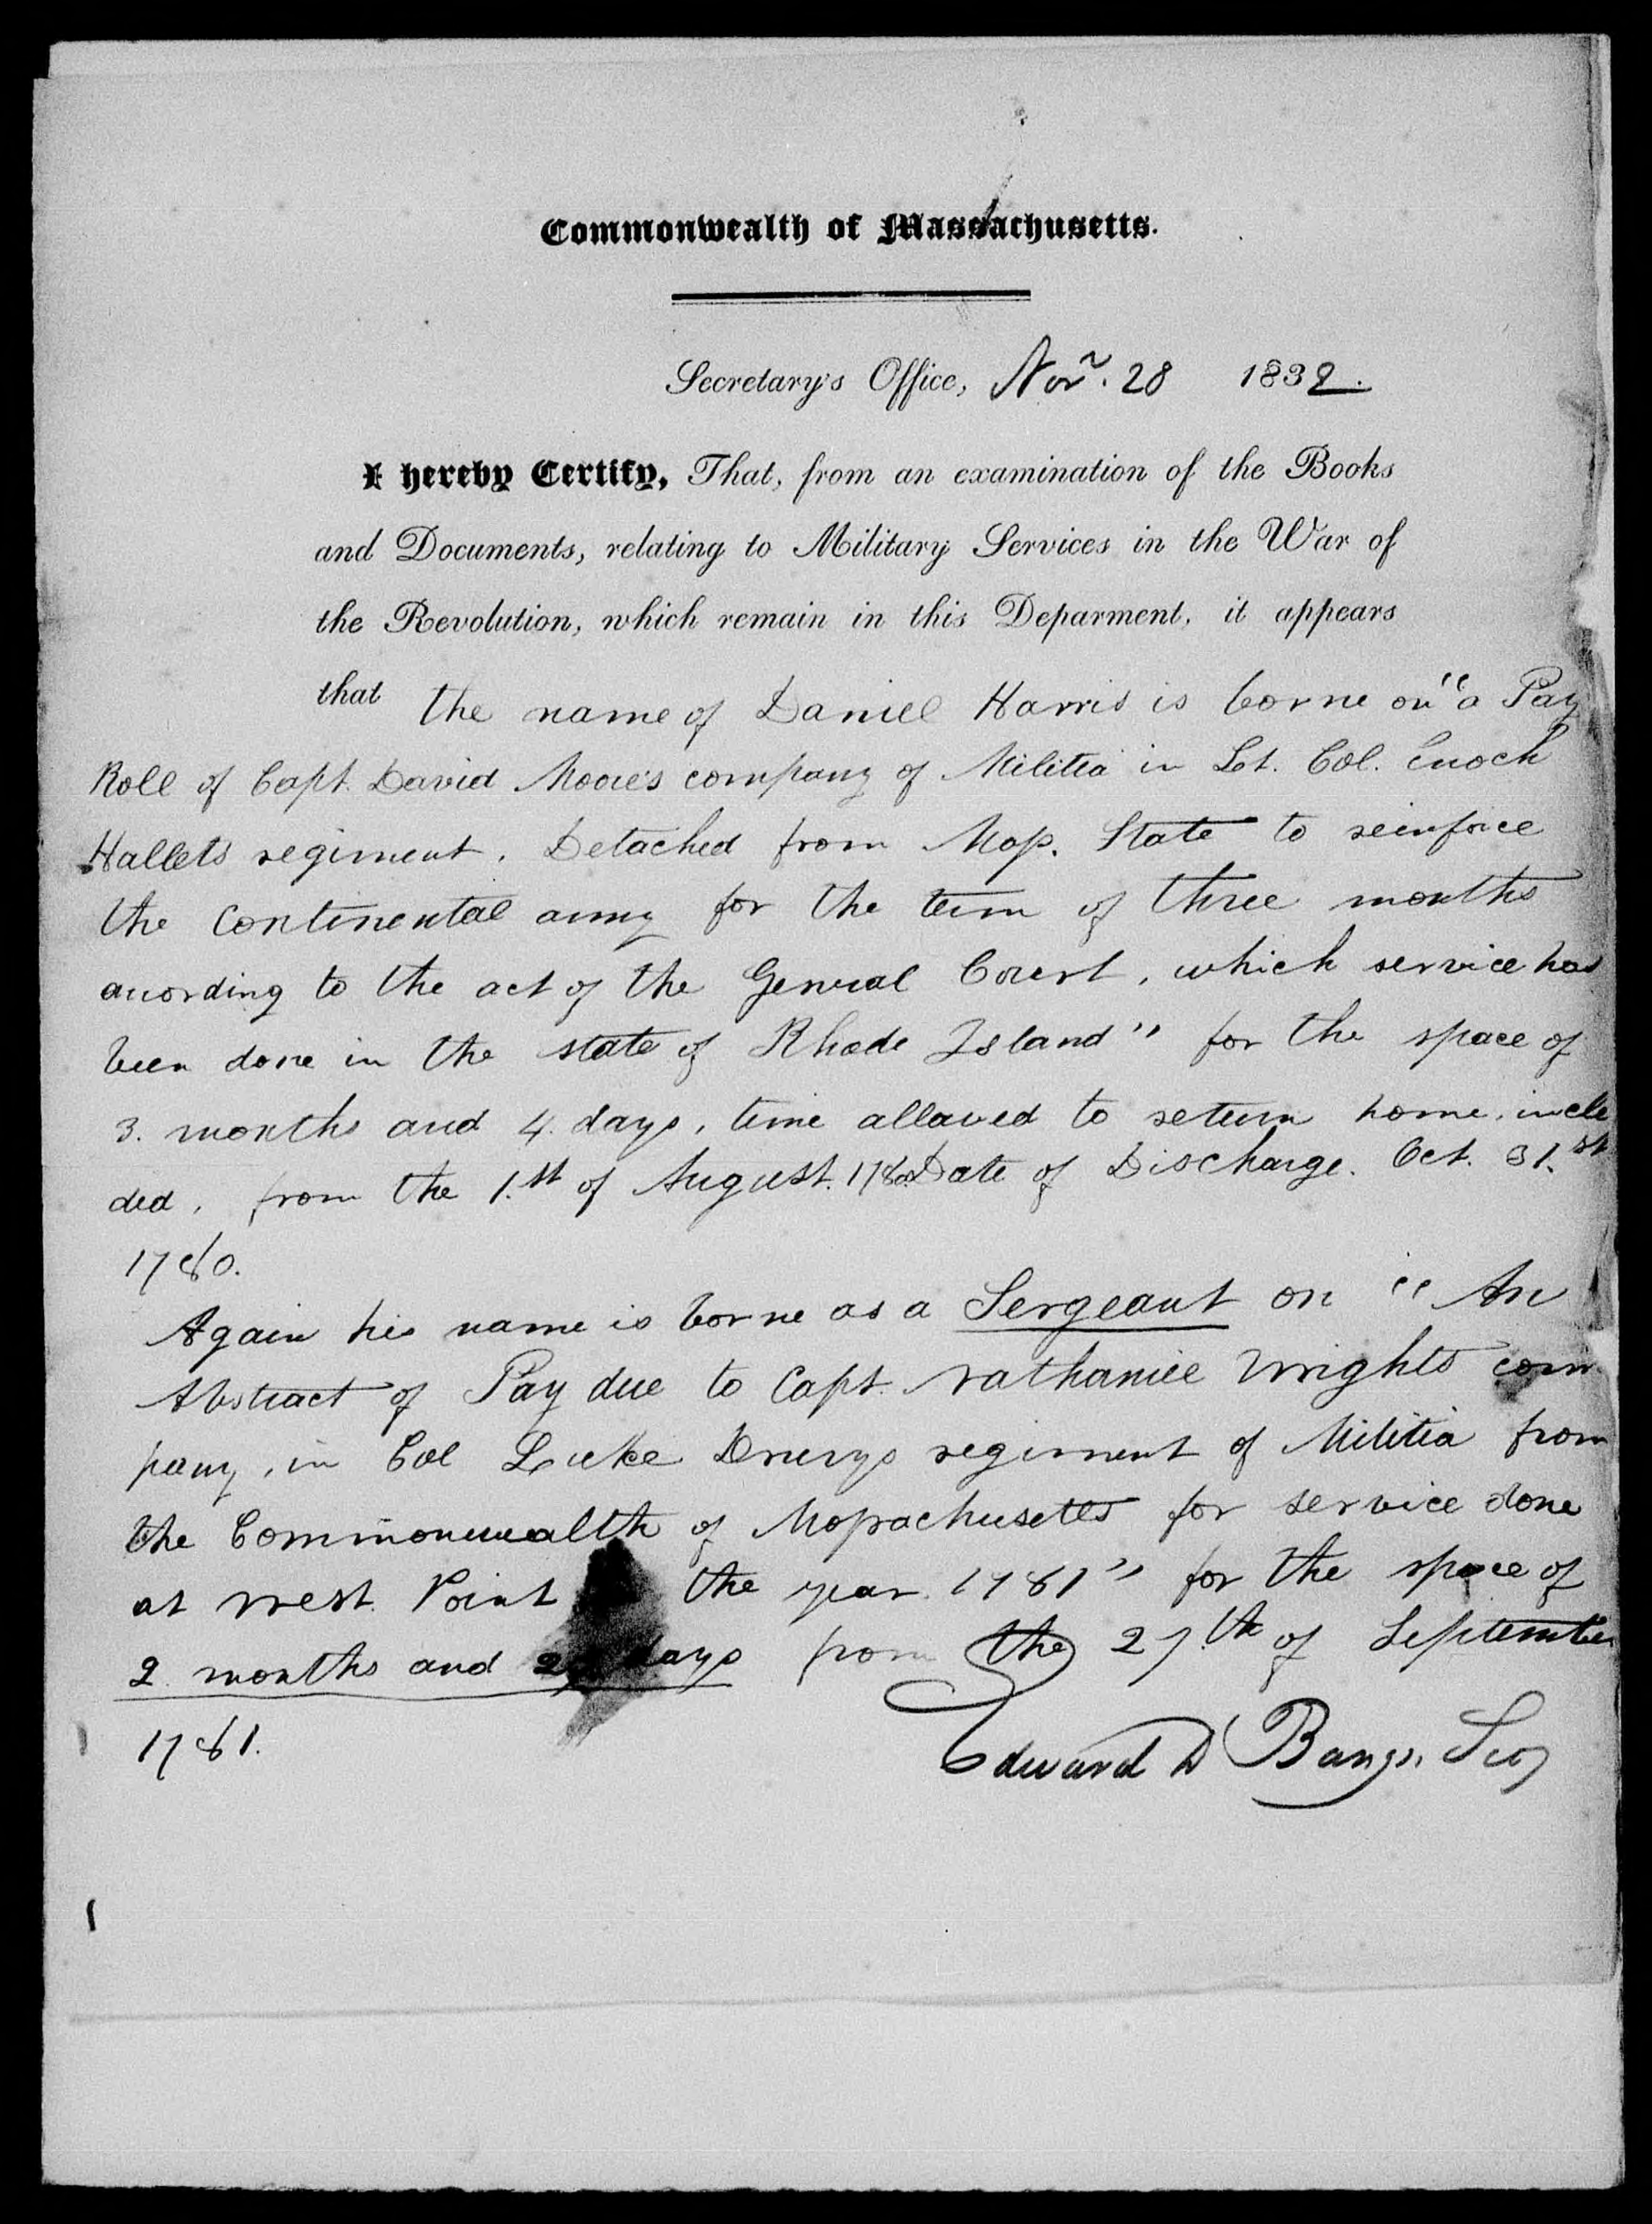Commonwealth of Massachusetts. 
Secretary's Office, Nov 20  1832

I hereby Certify, That, from an examination of the Books and Documents, relating to Military Services in the War of the revolution, which remain in this Department, it appears that 

the name of Daniel Harris is borne on "a Pay Roll of Capt Daniel Moore's company of Militia in Lt. Col. Enoch Hallets regiment. Detached from Mass. State to reinforce the Continental army for the term of three months according to the acct of the General Court, which service has been done in the state of Rhode Island" for the space of 3 months and 4 days, time allowed to return home included, from the 1st of August 11th to Date of Discharge Oct. 31st 1780.

Again his name is borne as a Sergeant on "An Abstract of Pay due to Capt. Nathaniel Wrights  company in Col. Luke Drury's regiment of Militia from the Commonwealth of Massachusetts for service done at West Point in the year 1781" for the space of 2 months and (?) days from the 27th of September 1781

Signature of Edward D Bangs Secy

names: David Moore, Daniel Harris, Nathaniel Wright, Edward D Bangs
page: 21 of 68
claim: survivor's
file: S. 29,877, Daniel Harris, Mass.